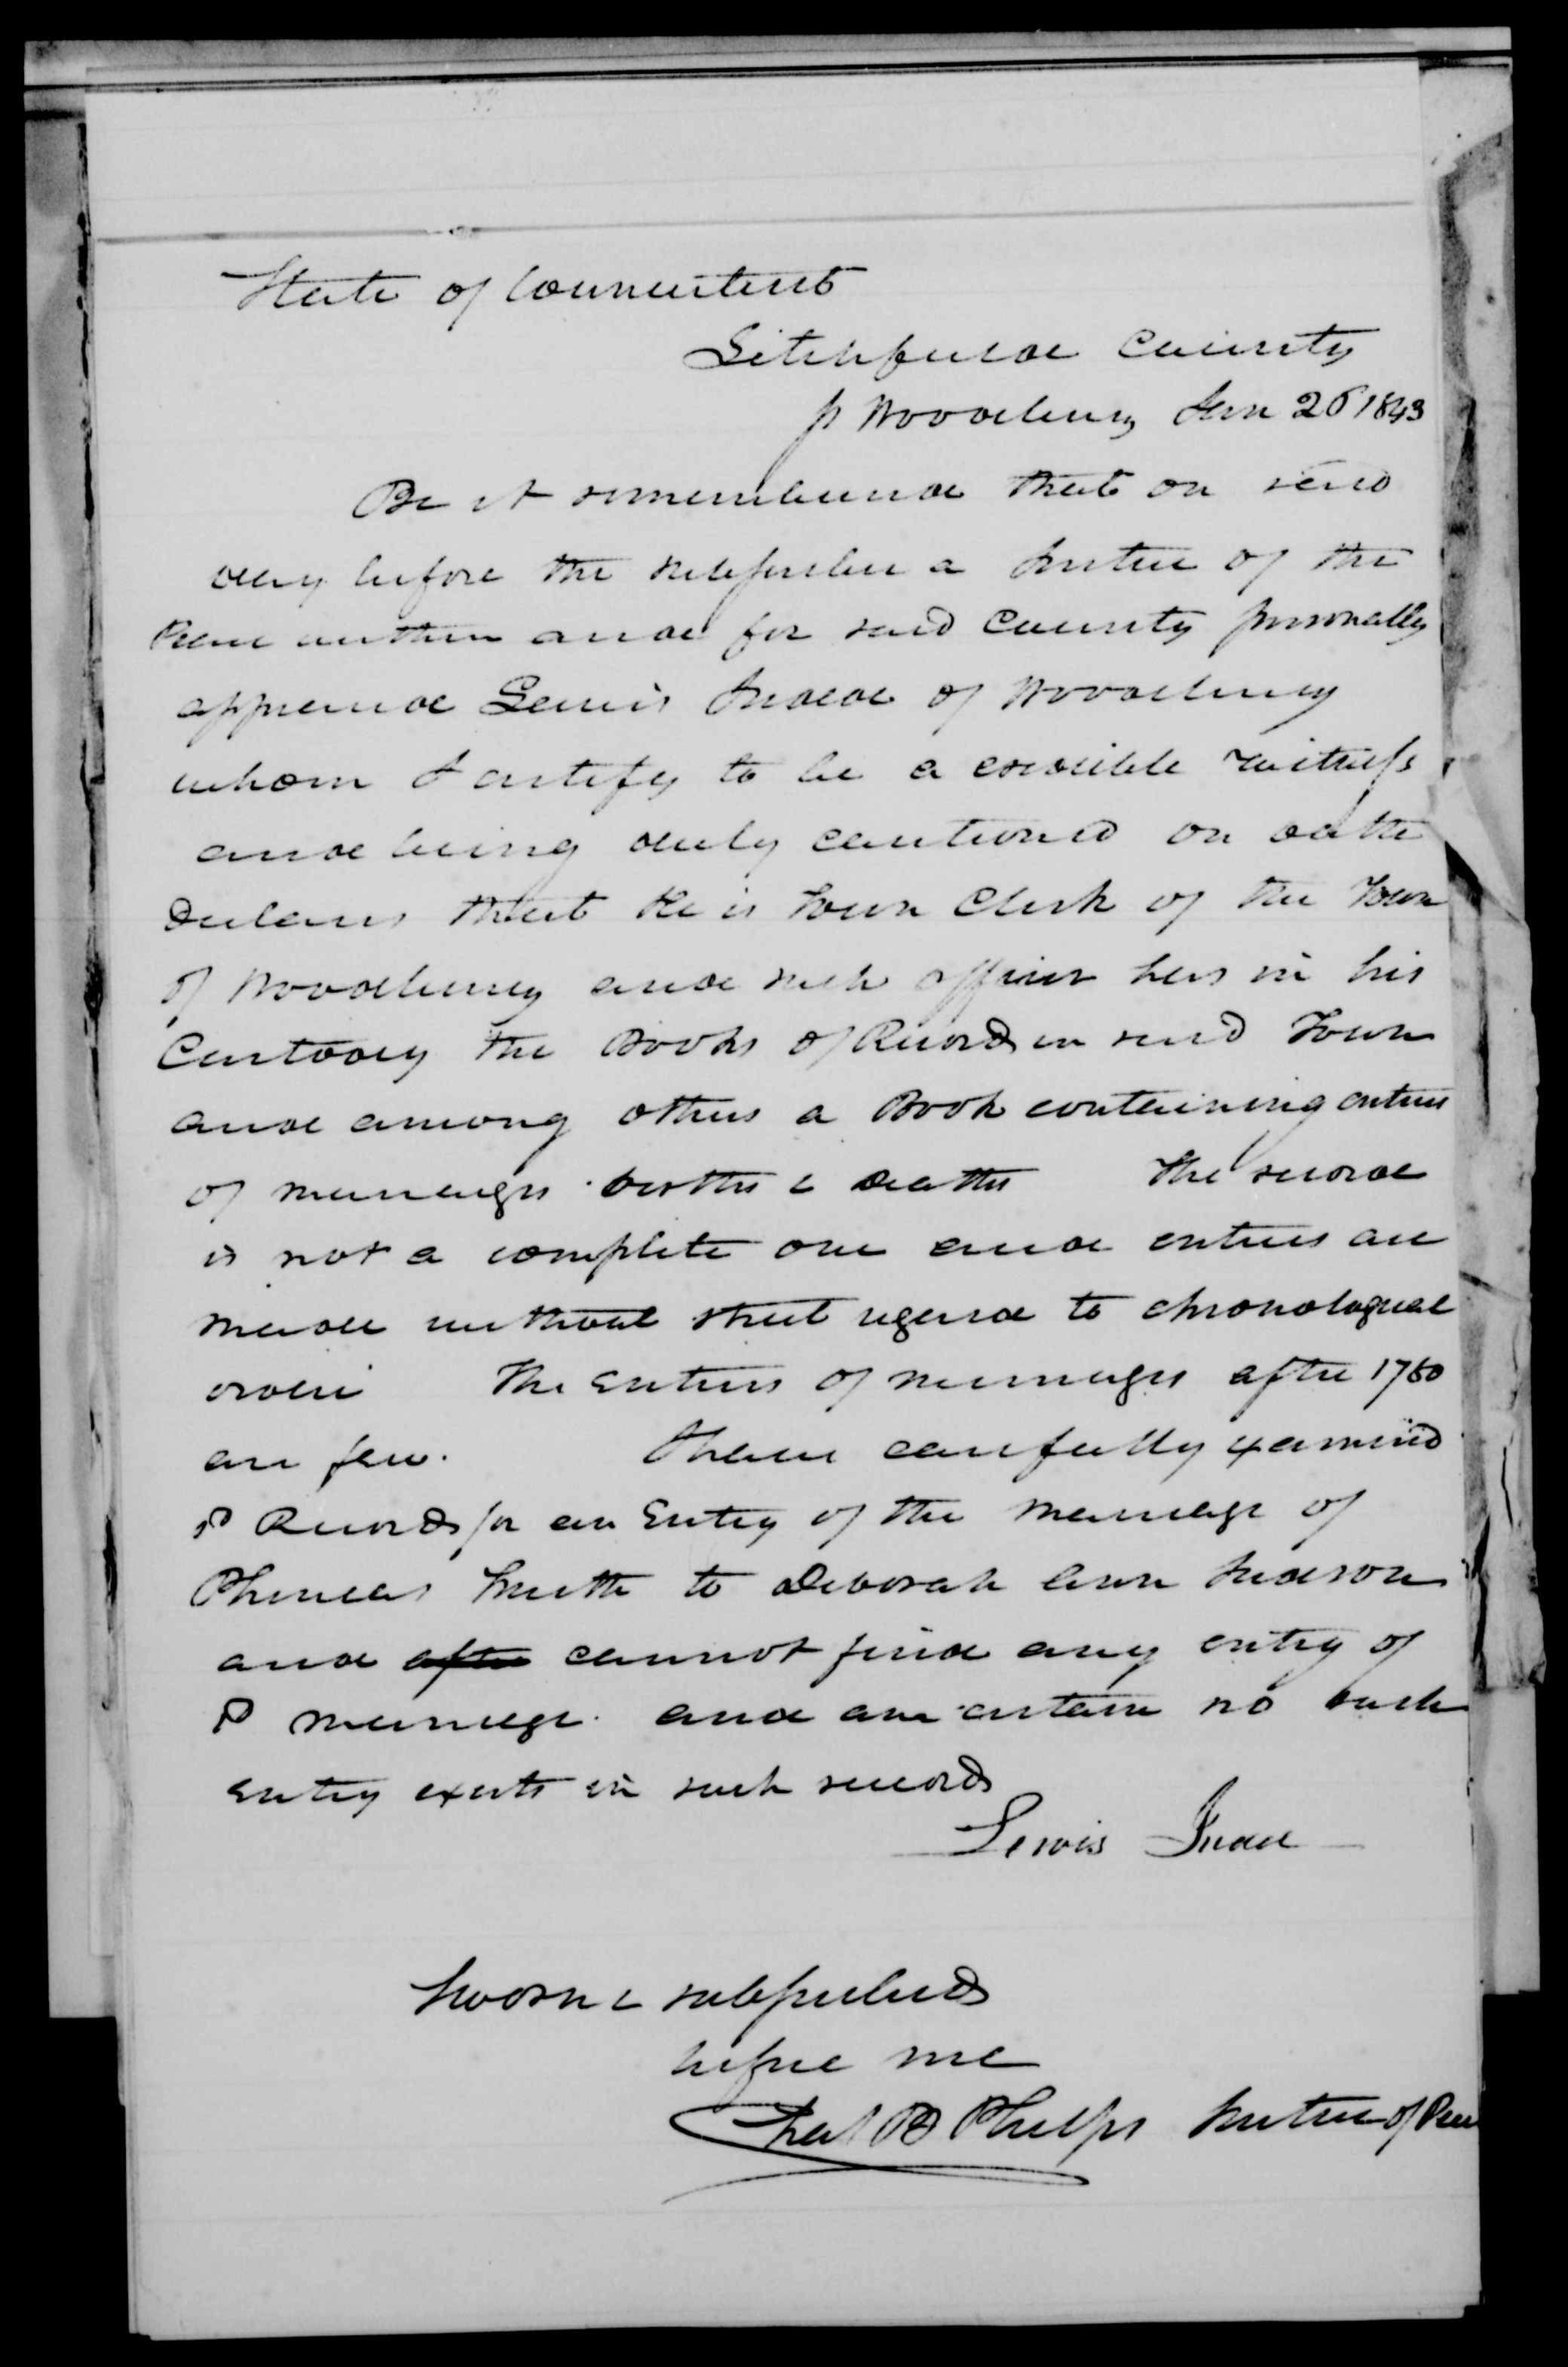State of Connecticut 
Litchfield County 
Ss Woodbury June 26 1843 
Be it remembered that on said day before the subscriber a justice of the Peace within and for said County personally appeared Lewis Judd of Woodbury whom I certify to be a credible witness and being duly cautioned on oath declares that he is town clerk of the Town of Woodbury and such officer has in his custody the Books of Record in said Town and among others a book containing entries of marriages, births & Deaths the record is not a complete one and entries are made without strict regard to chronological order.  The Entries of marriage after 1780 are few.  I have carefully examined said Records for an entry of the marriage of Phineas Smith to Deborah Ann Judson and  cannot find any entry of said marriage, and am certain no such entry exists in such records.  
Lewis Judd 
Sworn & subscribed before me 
Chas B Phelps Justice of Peace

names: Chas B Phelps; Lewis Judd; Deborah Ann Judson; Lewis Judd; Phineas Smith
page: 15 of 55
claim: widow's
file: W. 11480, for Phinehas Smith, Connecticut